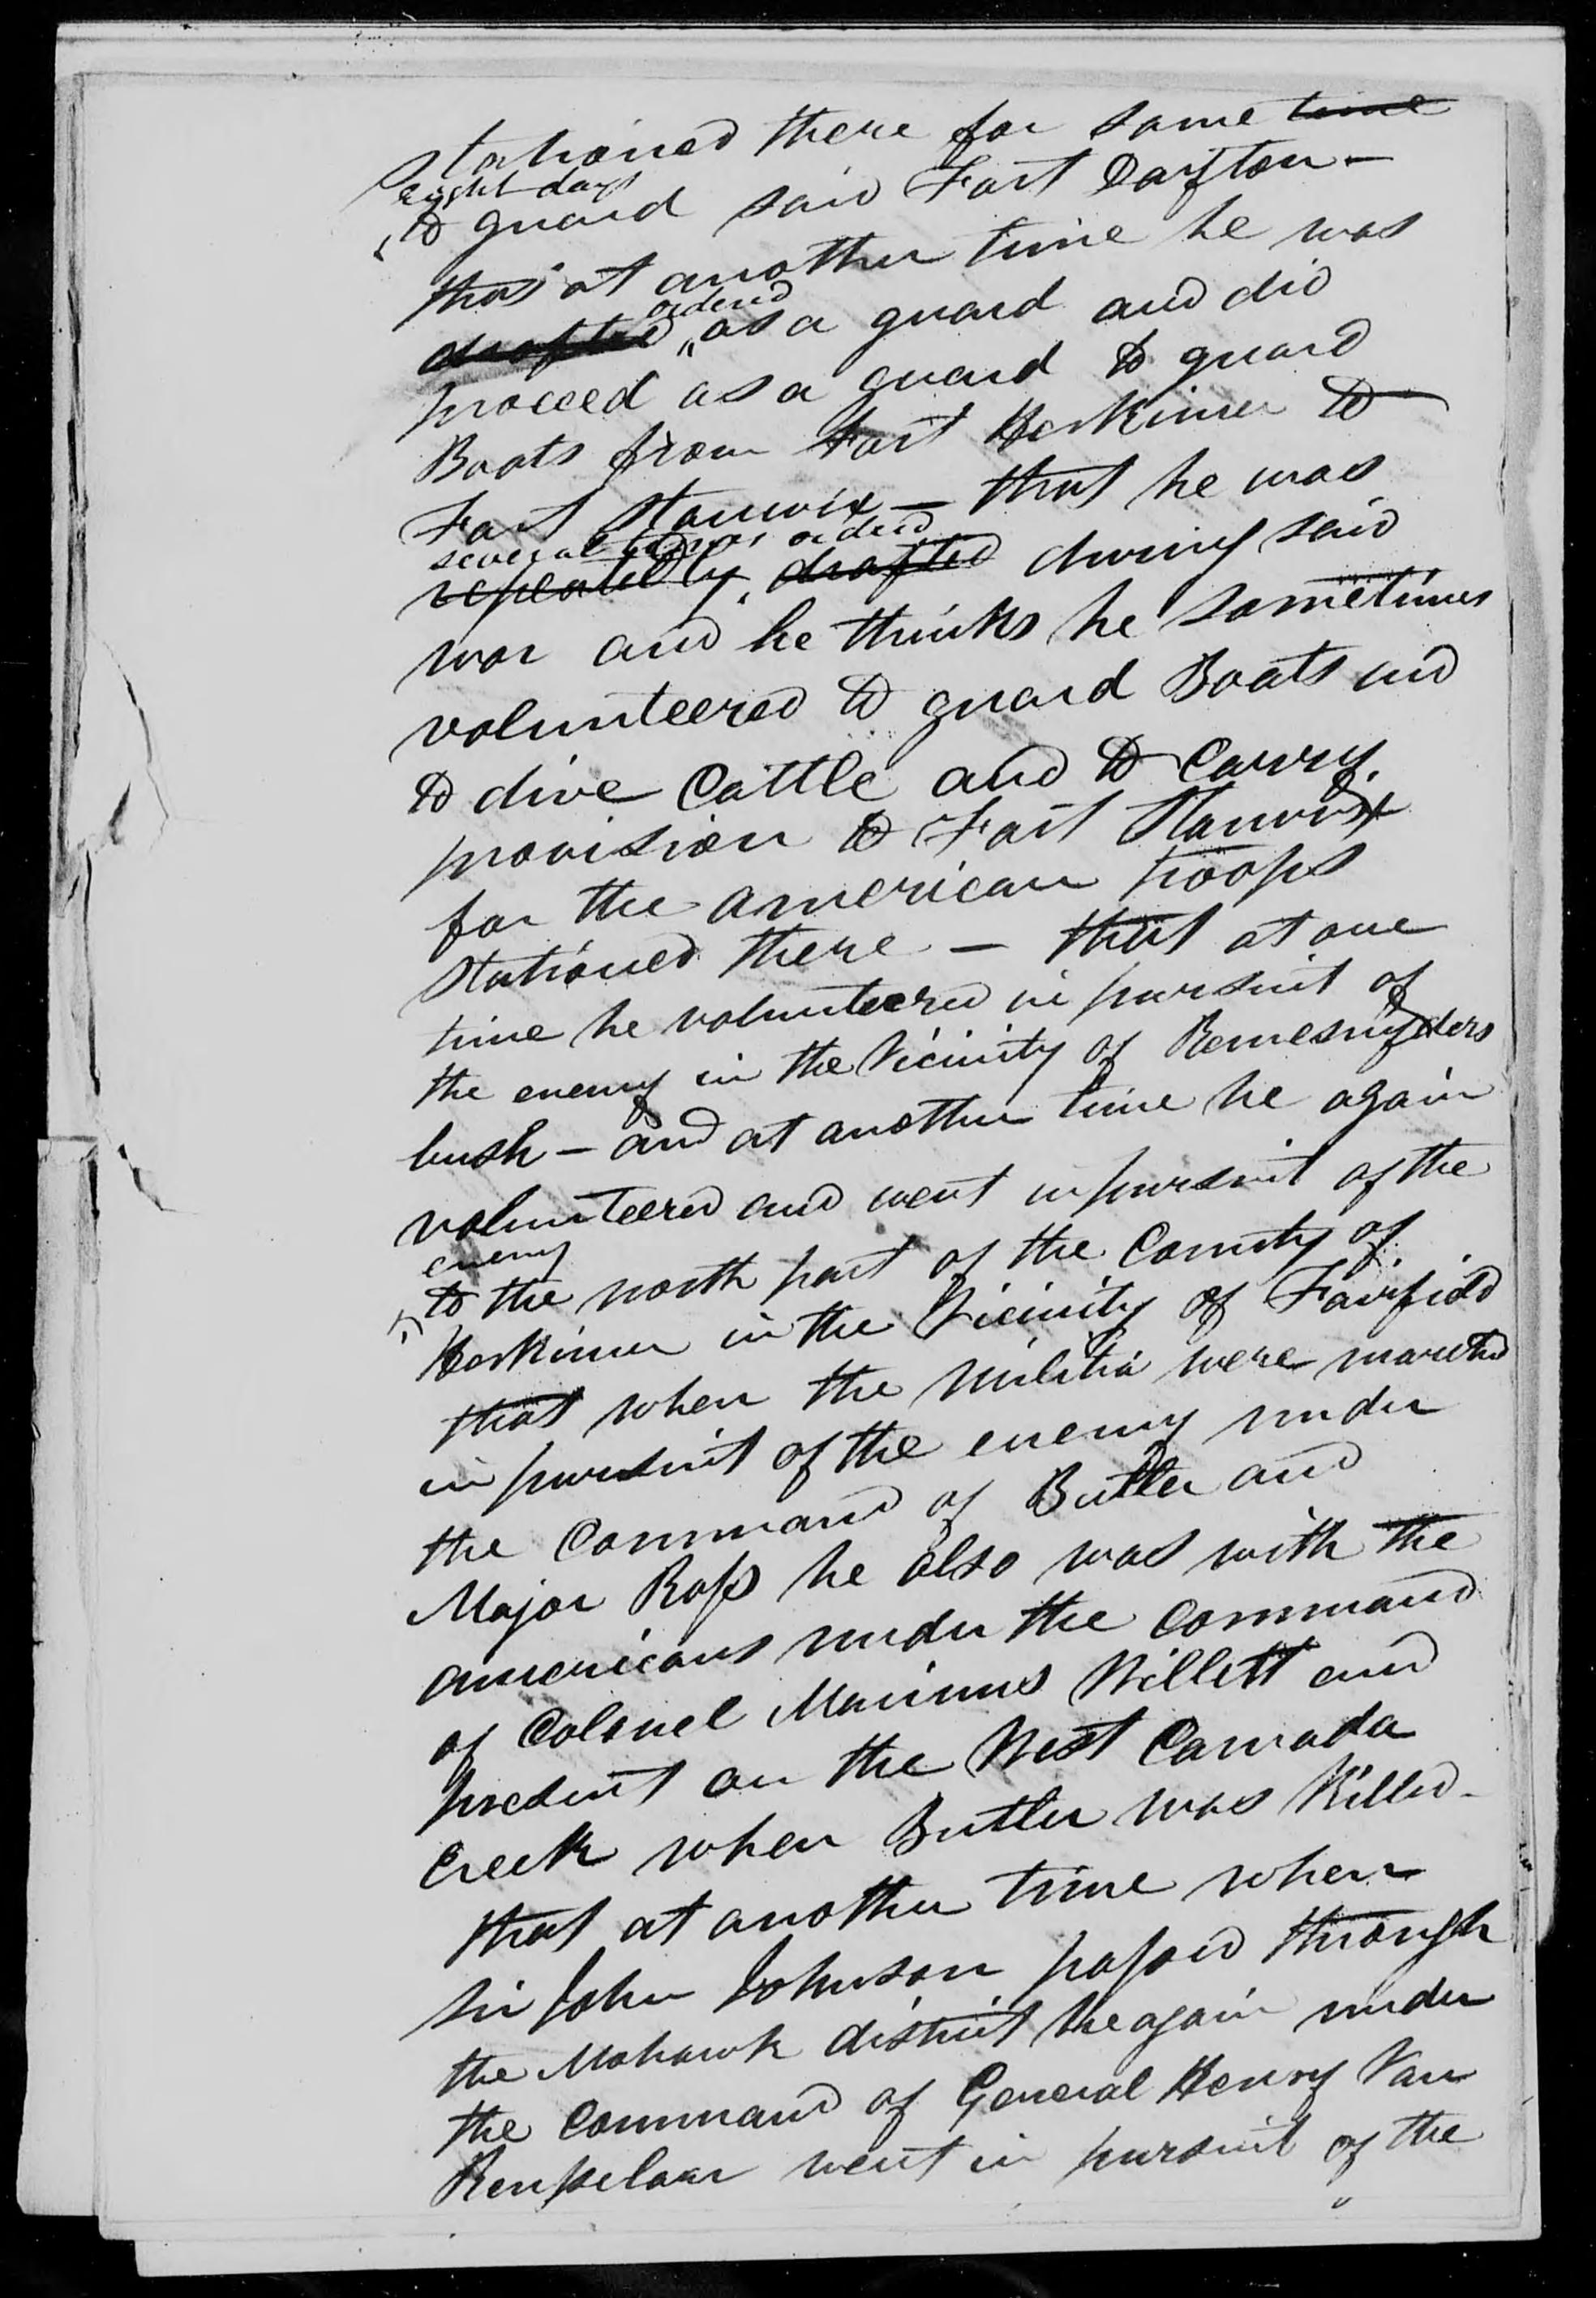[handwritten]

stationed there for same [time crossed out[ ^[insert] eight days to guard said Fort Dayton - that at another time he was [drafted crossed out] ^[insert] ordered as a guard and did proceed as a guard to guard Boats from Fort Herkimer to Fort Stanwix - that he was [repeatedly drafted crossed out] several times ordered during said war and he thinks he sometimes volunteered to guard boats and to drive cattle and to carry provision to Fort Stanwix for the american [sic] troops stationed there - that at one time he volunteered in pursuit of the enemy in the vicinity of Remesnyders [sic] bush - and at another time he again volunteered and went in pursuit of the ^[insert] enemy to the north part of the County of Herkimer in the vicinity of Fairfield that when the militia were marched in pursuit of the enemy under the command of Butler and Major Rass he also was with the americans [sic] under the command of Colonel Marinus Willett and present at the West Canada Creek when Butler was killed - that at another time where Sir John Johnson passed through the Mohawk district he again under the command of General Henry Van Rensselaer went in pursuit of the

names: Henry Van Rensselaer, Butler, John Johnson, Butler, Rass, Marinus Willett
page: 5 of 30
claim: rejected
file: R. 4927, Conrad Hess, New York